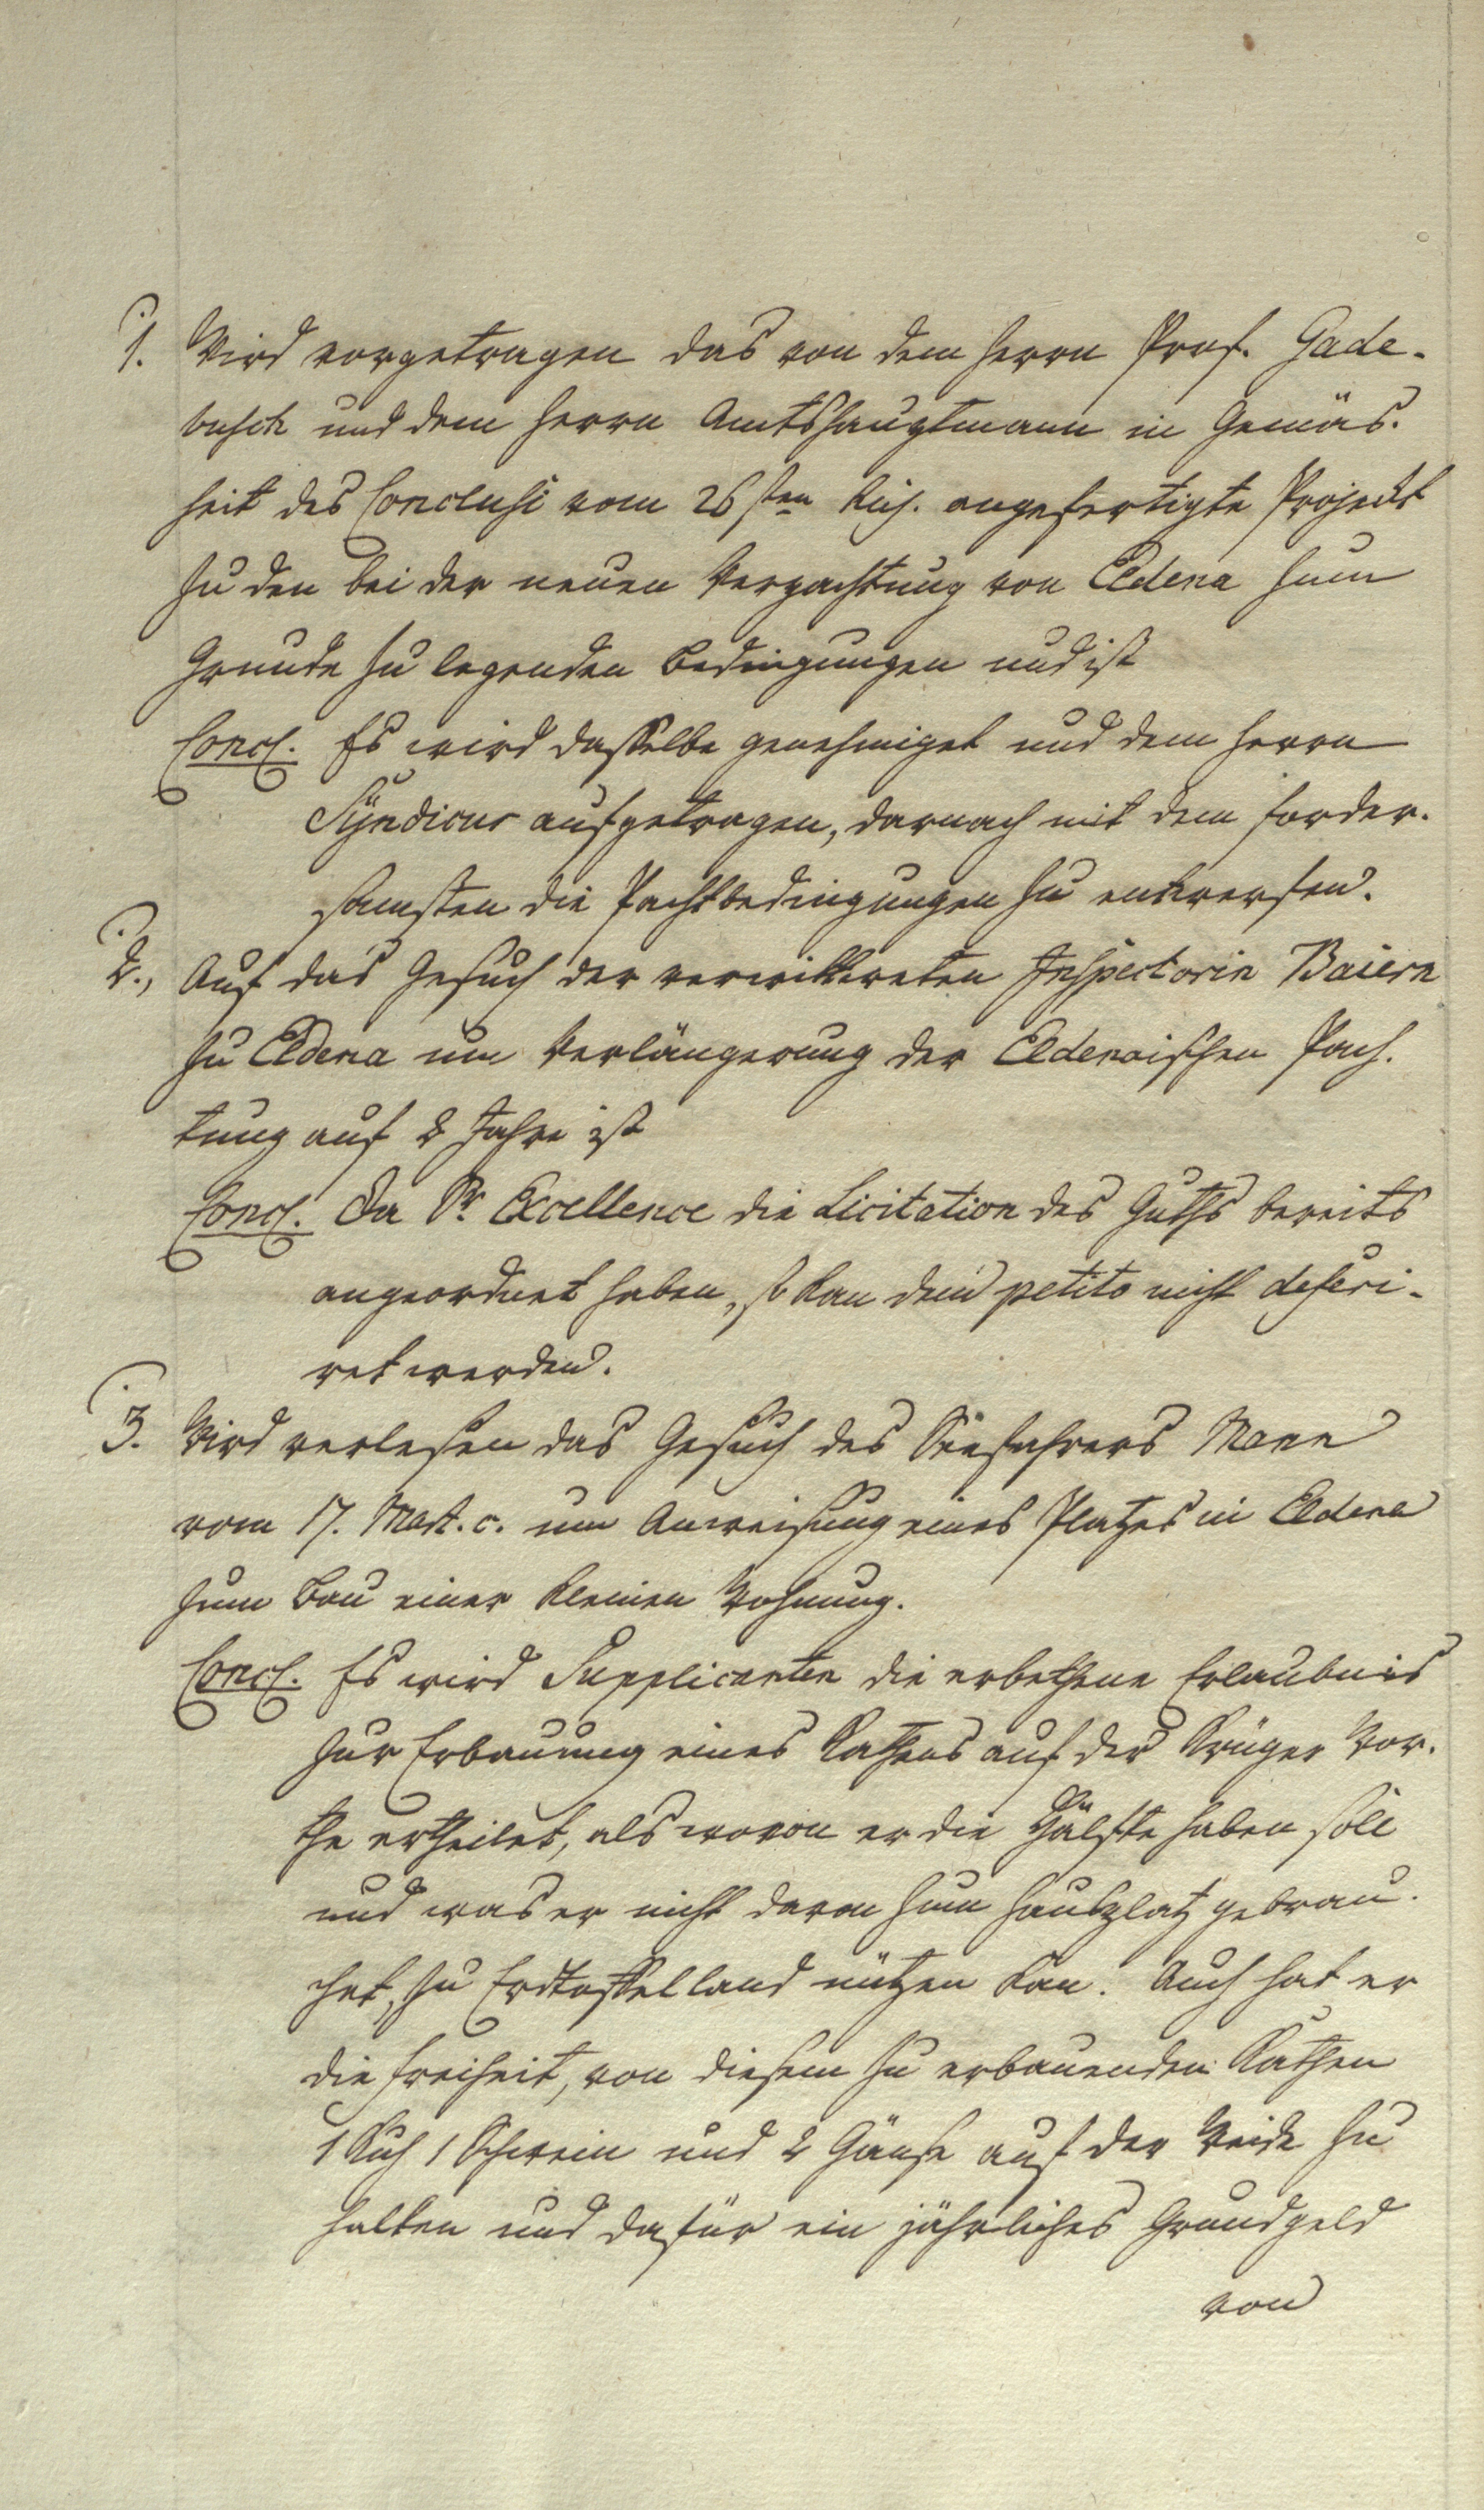1. Wird vorgetragen das von dem Herrn Prof. Gade¬
busch und dem Herrn Amtshauptmann in Gemäs¬
heit des Conclusi vom 26 sten huj. angefertigte Projeckt
zu den bei der neuen Verpachtung von Eldena zum
Grunde zu legenden Bedingungen und ist
Concl. Es wird dasselbe genehmiget und dem Herrn
Sÿndicus aufgetragen, darnach mit dem forder¬
samsten die Pachtbedingungen zu entwerfen.
2., Auf das Gesuch der verwittweten Inspectorin Baiern
zu Eldena um Verlängerung der Eldenaischen Pach¬
tung auf 2 Jahre ist
Concl. Da Sr Excellence die Licitation des Guths bereits
angeordnet haben, so kan den petito nicht deferi¬
ret werden.
3. Wird verlesen das Gesuch des Seefahrers Mann
vom 17. Mart. c. um Anweisung eines Platzes in Eldena
zum Bau einer kleinen Wohnung.
Concl Es wird Supplicanten die erbethene Erlaubnis
zur Erbauung eines Kathens auf des Krüger Wur¬
the ertheilet, als wovon er die Hälfte haben soll
und was er nicht davon zum Hausplatz gebrau¬
chet zu Erdtoffelland nützen kan. Auch hat er
die Freiheit, von diesem zu erbauenden Kathen
1 Kuh 1 Schwein und 2 Gänse auf der Weide zu
halten und dafür ein jährliches Grundgeld
von